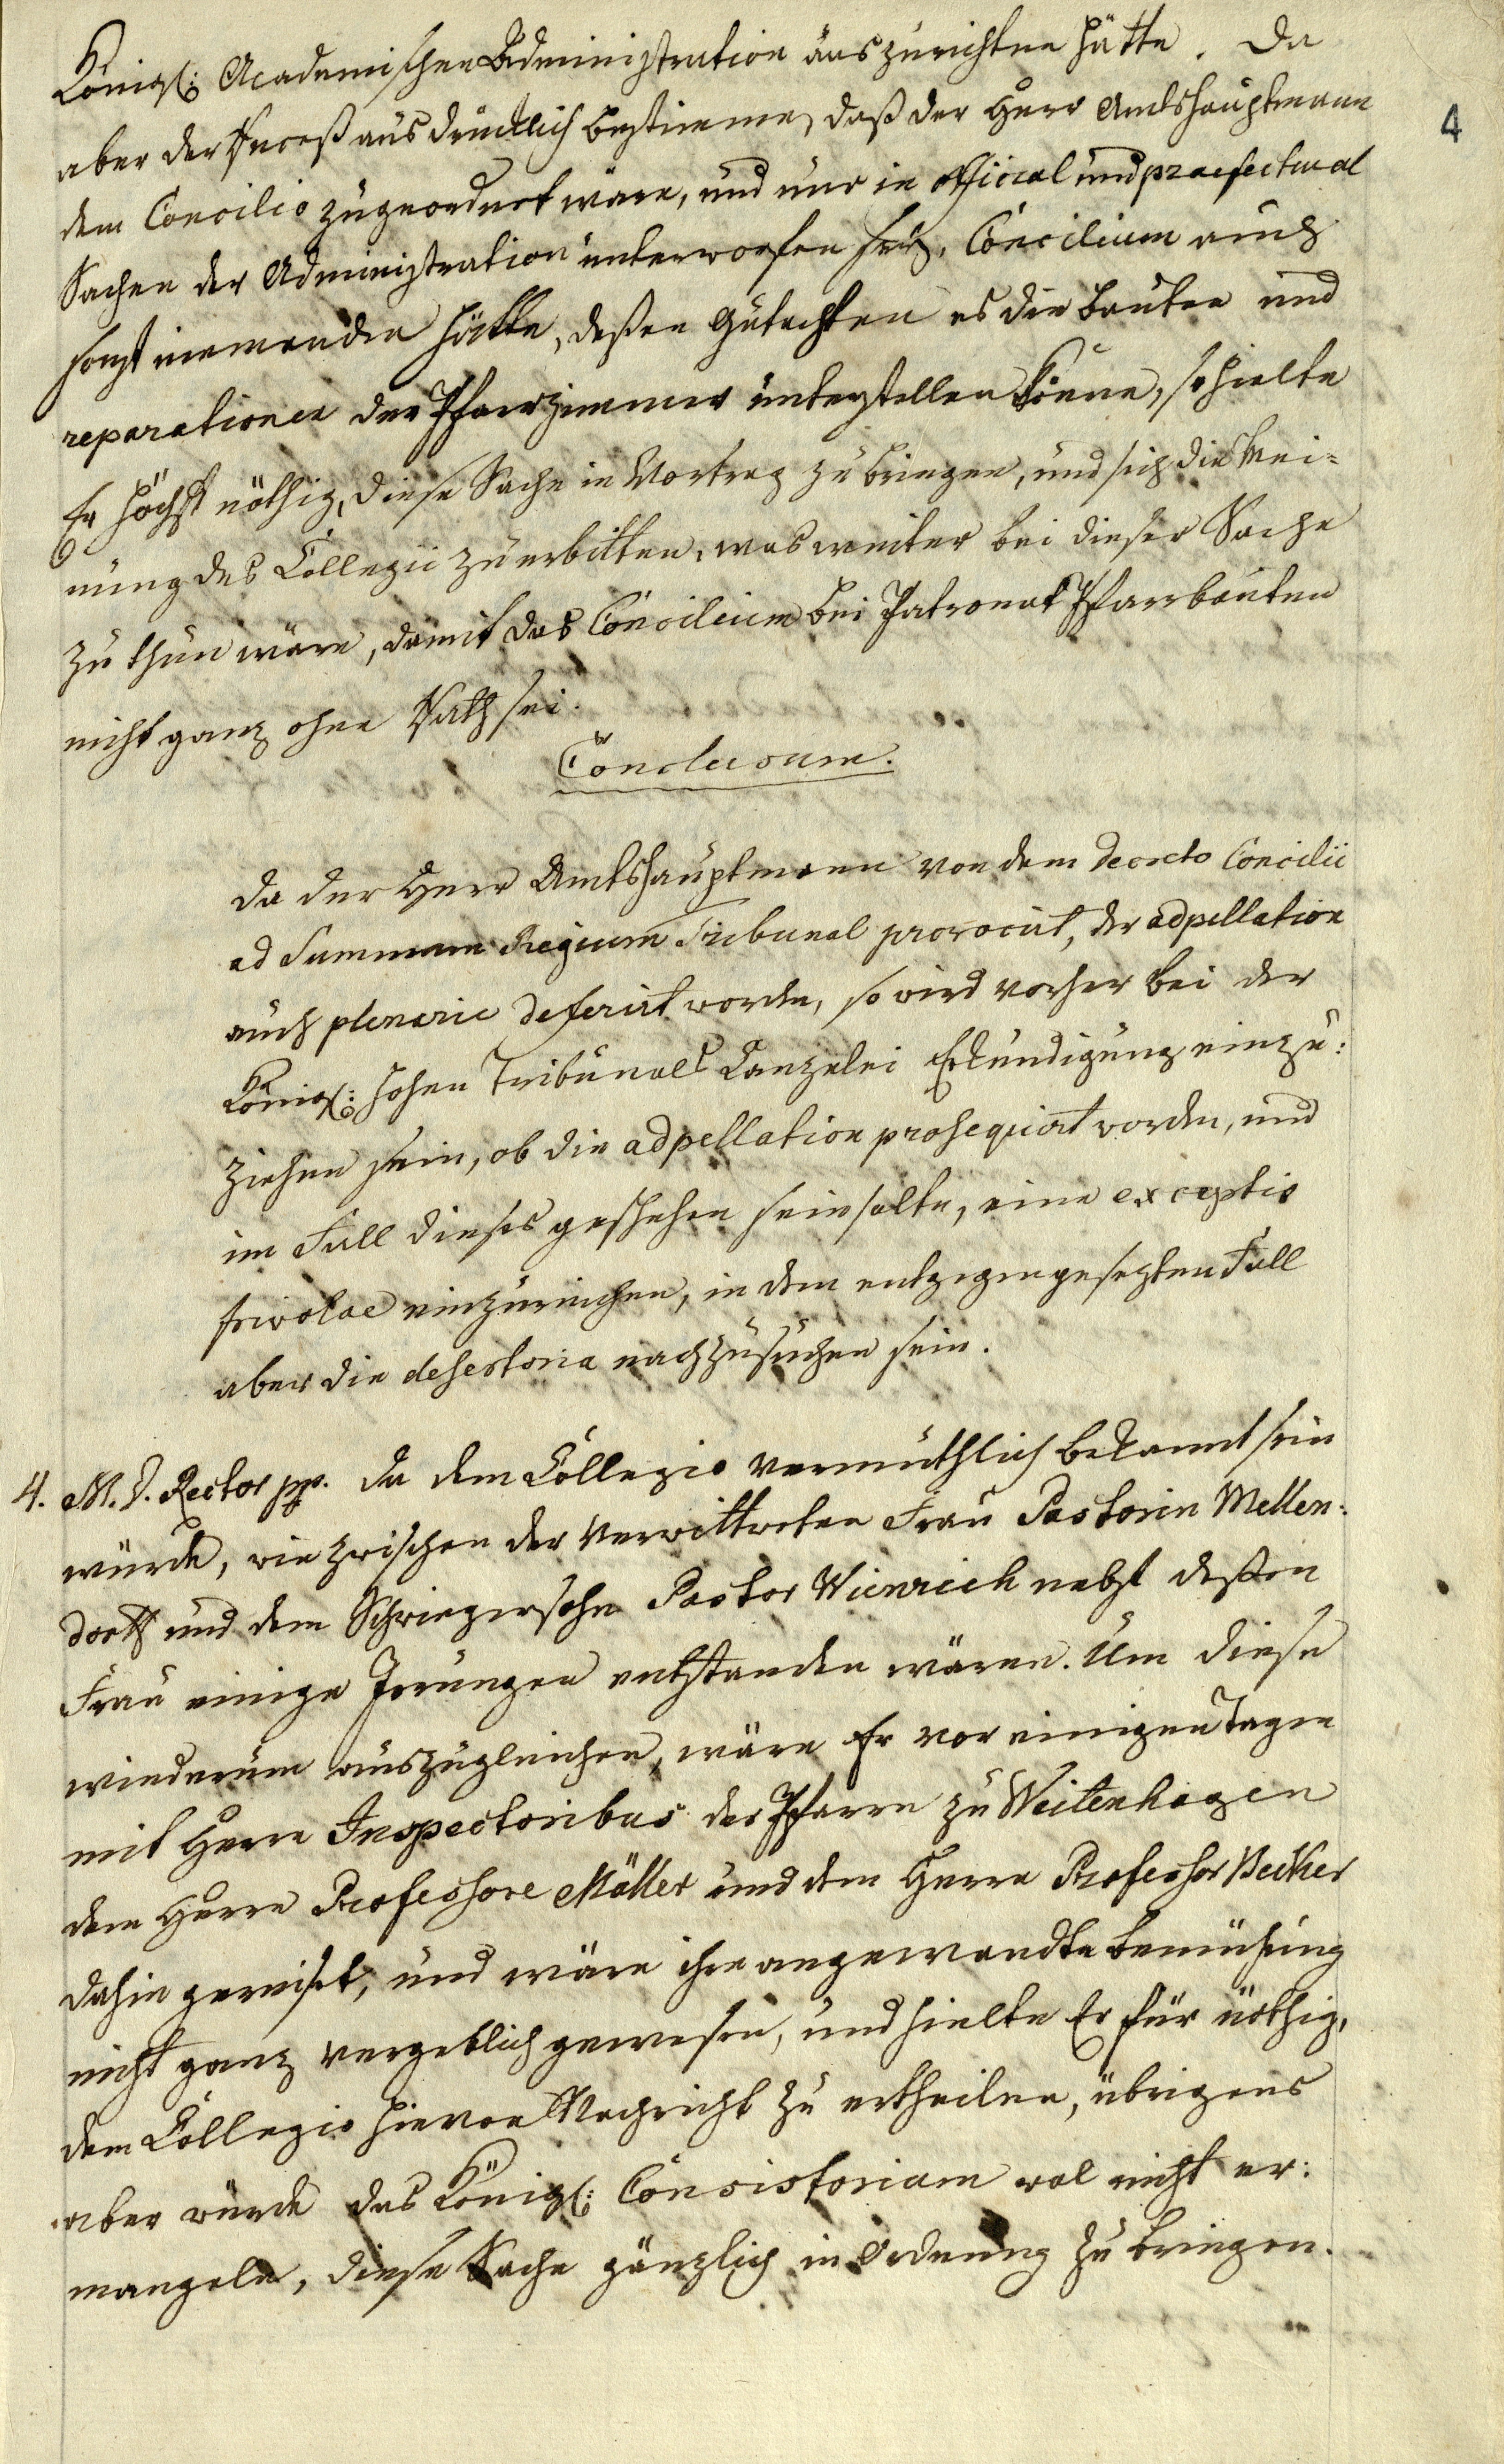Königl. Academischen Administration auszurichten hätte. Da
aber der Receß ausdrücklich bestimme, daß der Herr Amtshauptmann
dem Concilio zugeordnet wäre, und nur in official und praefectural
Sachen der Administration unterworfen seÿ, Concilium auch
sonst niemanden hätte, deßen Gutachten es die Bauten und
reparationen der Pfarrzimmer unterstellen könne, so hielte
Er höchst nöthig, diese Sache in Vortrag zu bringen, und sich die Mei¬
nung des Collegii zu erbitten, was weiter bei dieser Sache
zu thun wäre, damit das Concilium bei Patronat Pfarrbauten
nicht ganz ohne Rath sei.
Conclusum
Da der Herr Amtshauptmann von dem Decreto Concilii
ad Summam Regium Tribunal provocirt, der adpellation
auch plenarie deferirt worden, so wird vorher bei der
Königl. Hohen Tribunals Canzelei Erkundigung einzu¬
ziehen sein, ob die adpellation prosequirt worden, und
im Fall dieses geschehen sein solte, eine ex ceptis
frivolae einzureichen, in dem entgegengesezten Fall
aber die desertoria nachzusuchen sein.
4. M. D. Rector pp. Da dem Collegio vermuthlich bekannt sein
würde, wie zwischen der verwittweten Frau Pastorin Mellen¬
dorff und dem Schwiegersohn Pastor Wienrich nebst deßen
Frau einige Irrungen entstanden wären. Um diese
wiederum auszugleichen, wäre Er vor einigen Tagen
mit Herrn Inspectoribus der Pfarre zu Weitenhagen
dem Herrn Professore Möller und dem Herrn Professor Becker
dahin gereiset, und wäre ihm angewandte Bemühung
nicht ganz vergeblich gewesen, und hielte Er für nöthig,
dem Collegio hievon Nachricht zu ertheilen, übrigens
aber würde das Königl. Consistorium wol nicht er¬
mangeln, diese Sache gänzlich in Ordnung zu bringen.